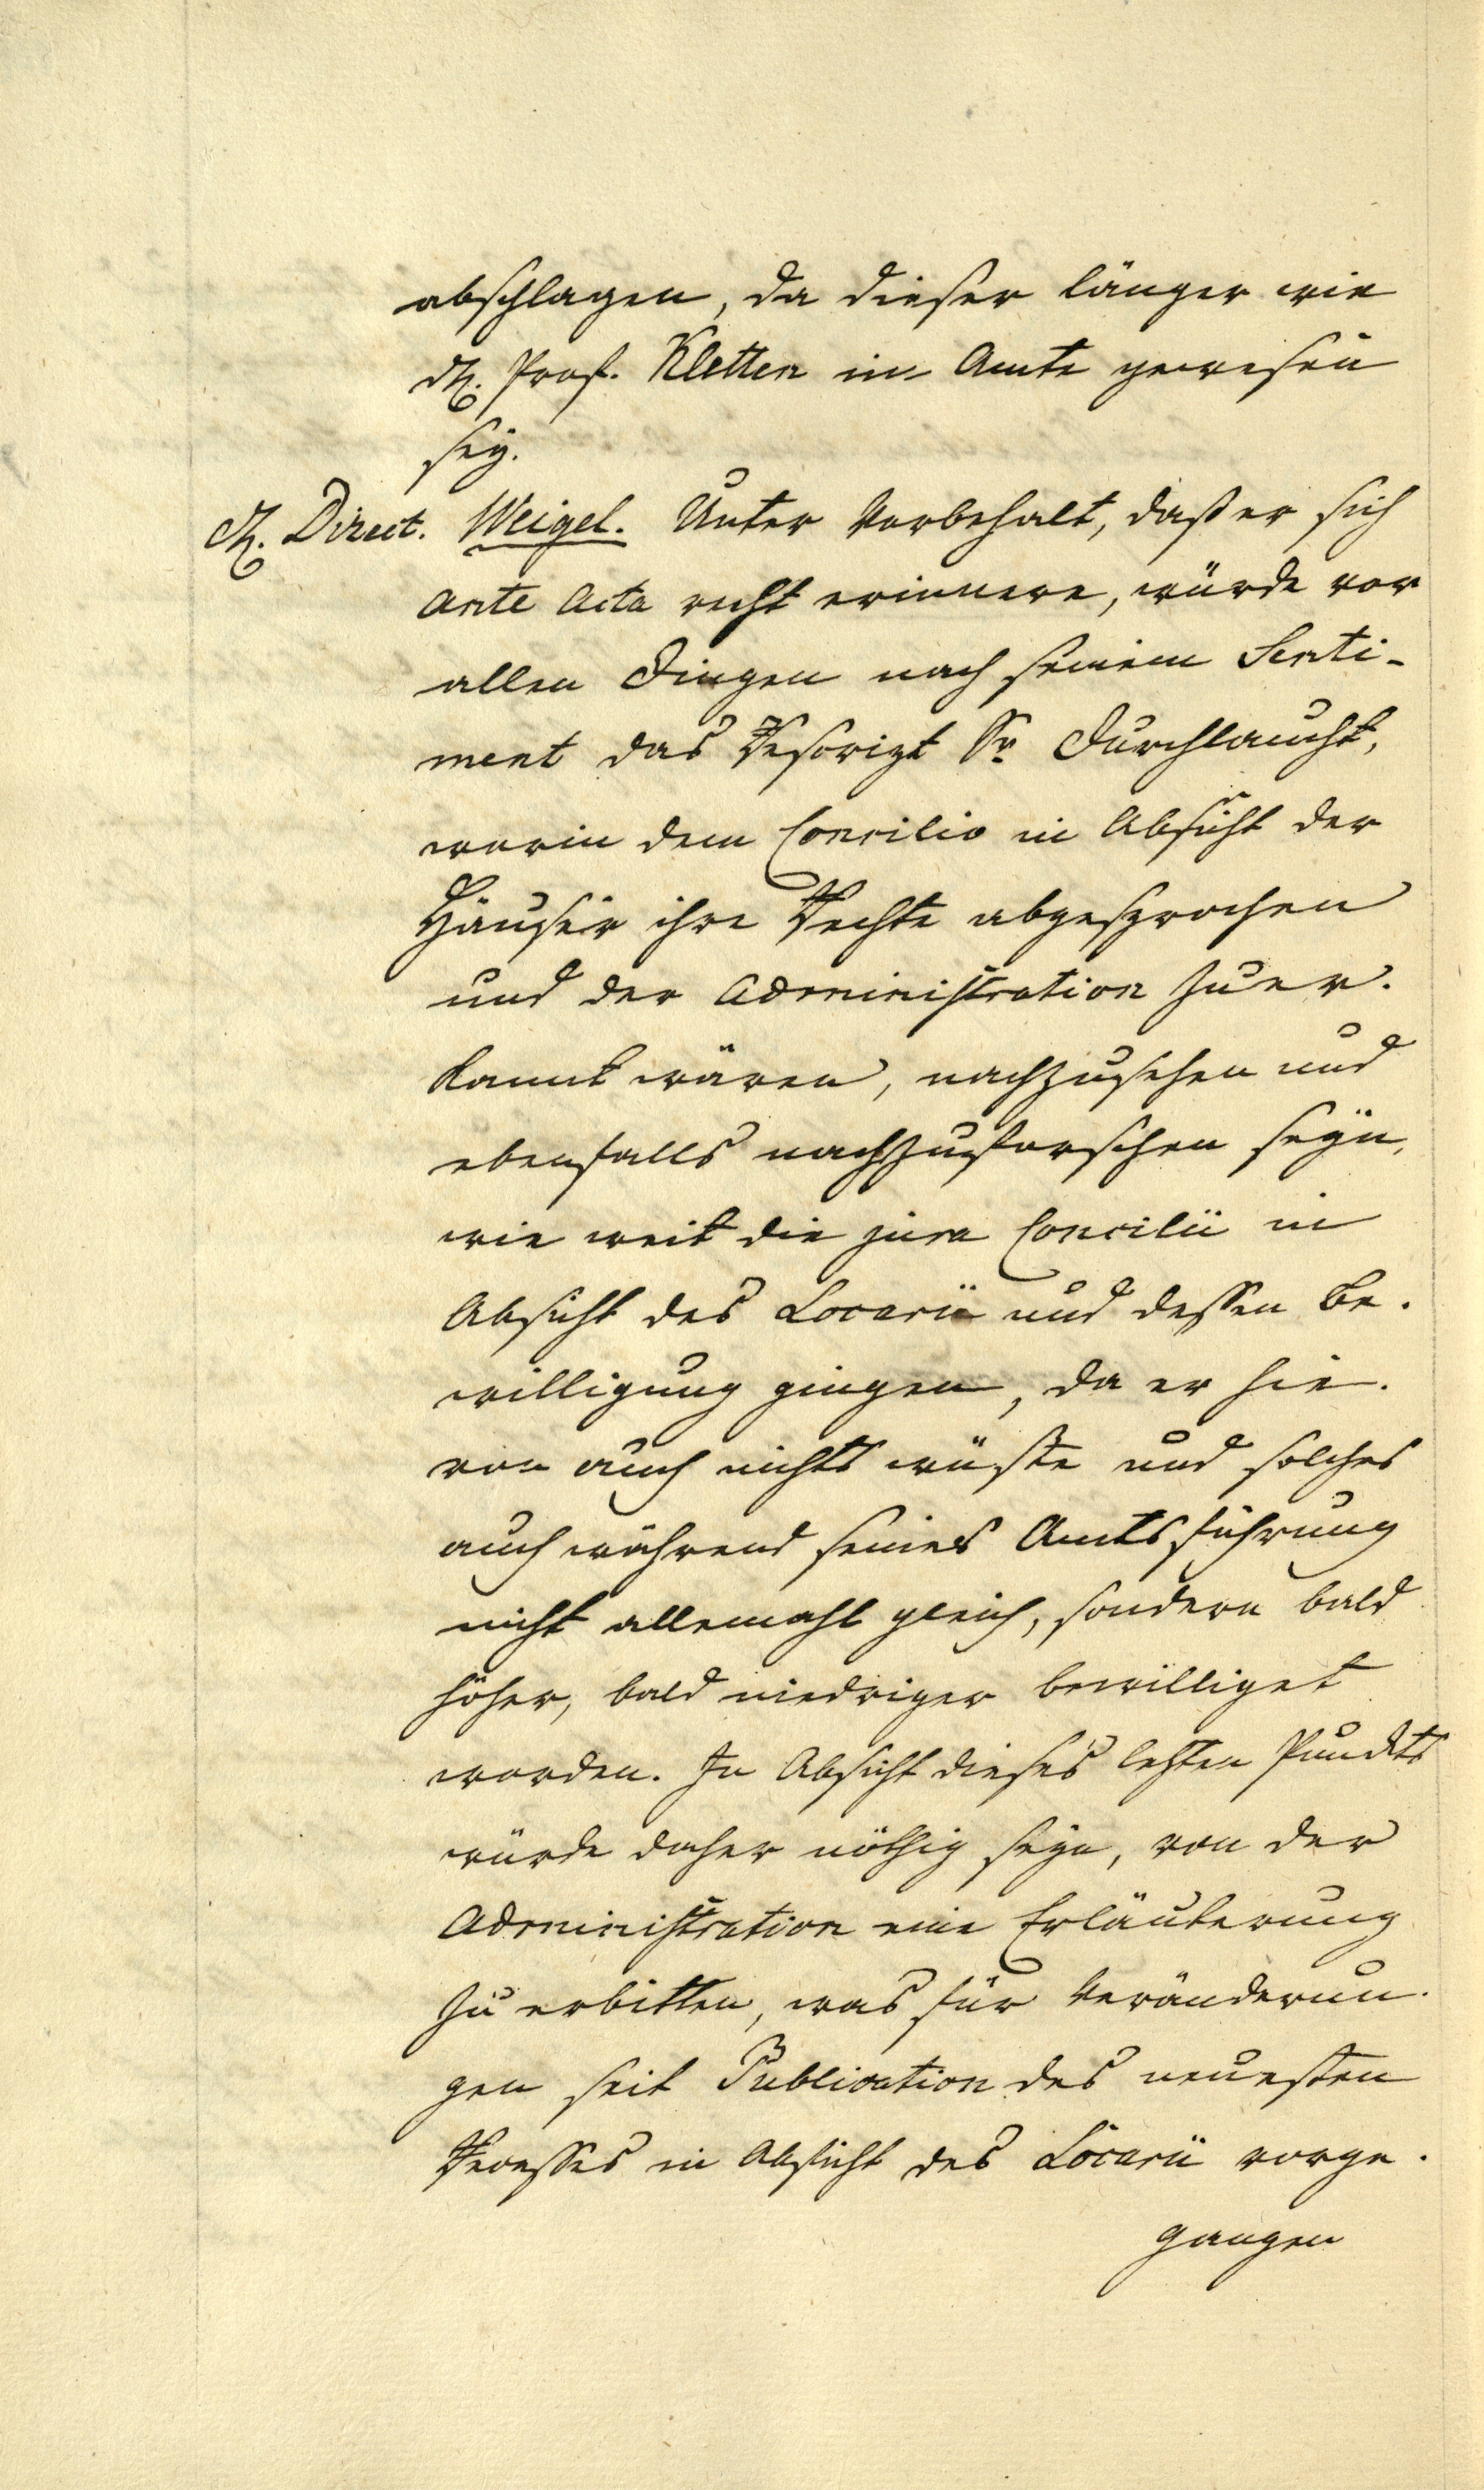abschlagen, da dieser länger wie
dh. Prof. Kletten im Amte gewesen
seÿ.
dh. Direct. Weigel. Unter Vorbehalt, daß er sich
Ante Acta recht erinnere, würde vor
allen Dingen nach seinem Senti¬
ment das Rescript Sr Durchlaucht,
worin dem Concilio in Absicht der
Häuser ihre Rechte abgesprochen
und der Administration zuer¬
kanmnt wären, nachzusehen und
ebenfalls nachzuforschen seÿn,
wie weit die jura Concilii in
Absicht des Locarii und dessen Be¬
willigung gingen, da er hie¬
von auch nichts wüßte und solches
auch während seiner Amts führung
nicht allemahl gleich, sondern bald
höher, bald niedriger bewilliget
worden. In Absicht dieses letzten Punckts
würde daher nöthig seyn, von der
Administration eine Erläuterung
zu erbitten, was für Veränderun¬
gen seit Publication des neuesten
Recesses in Absicht des Locarii vorge¬
gangen